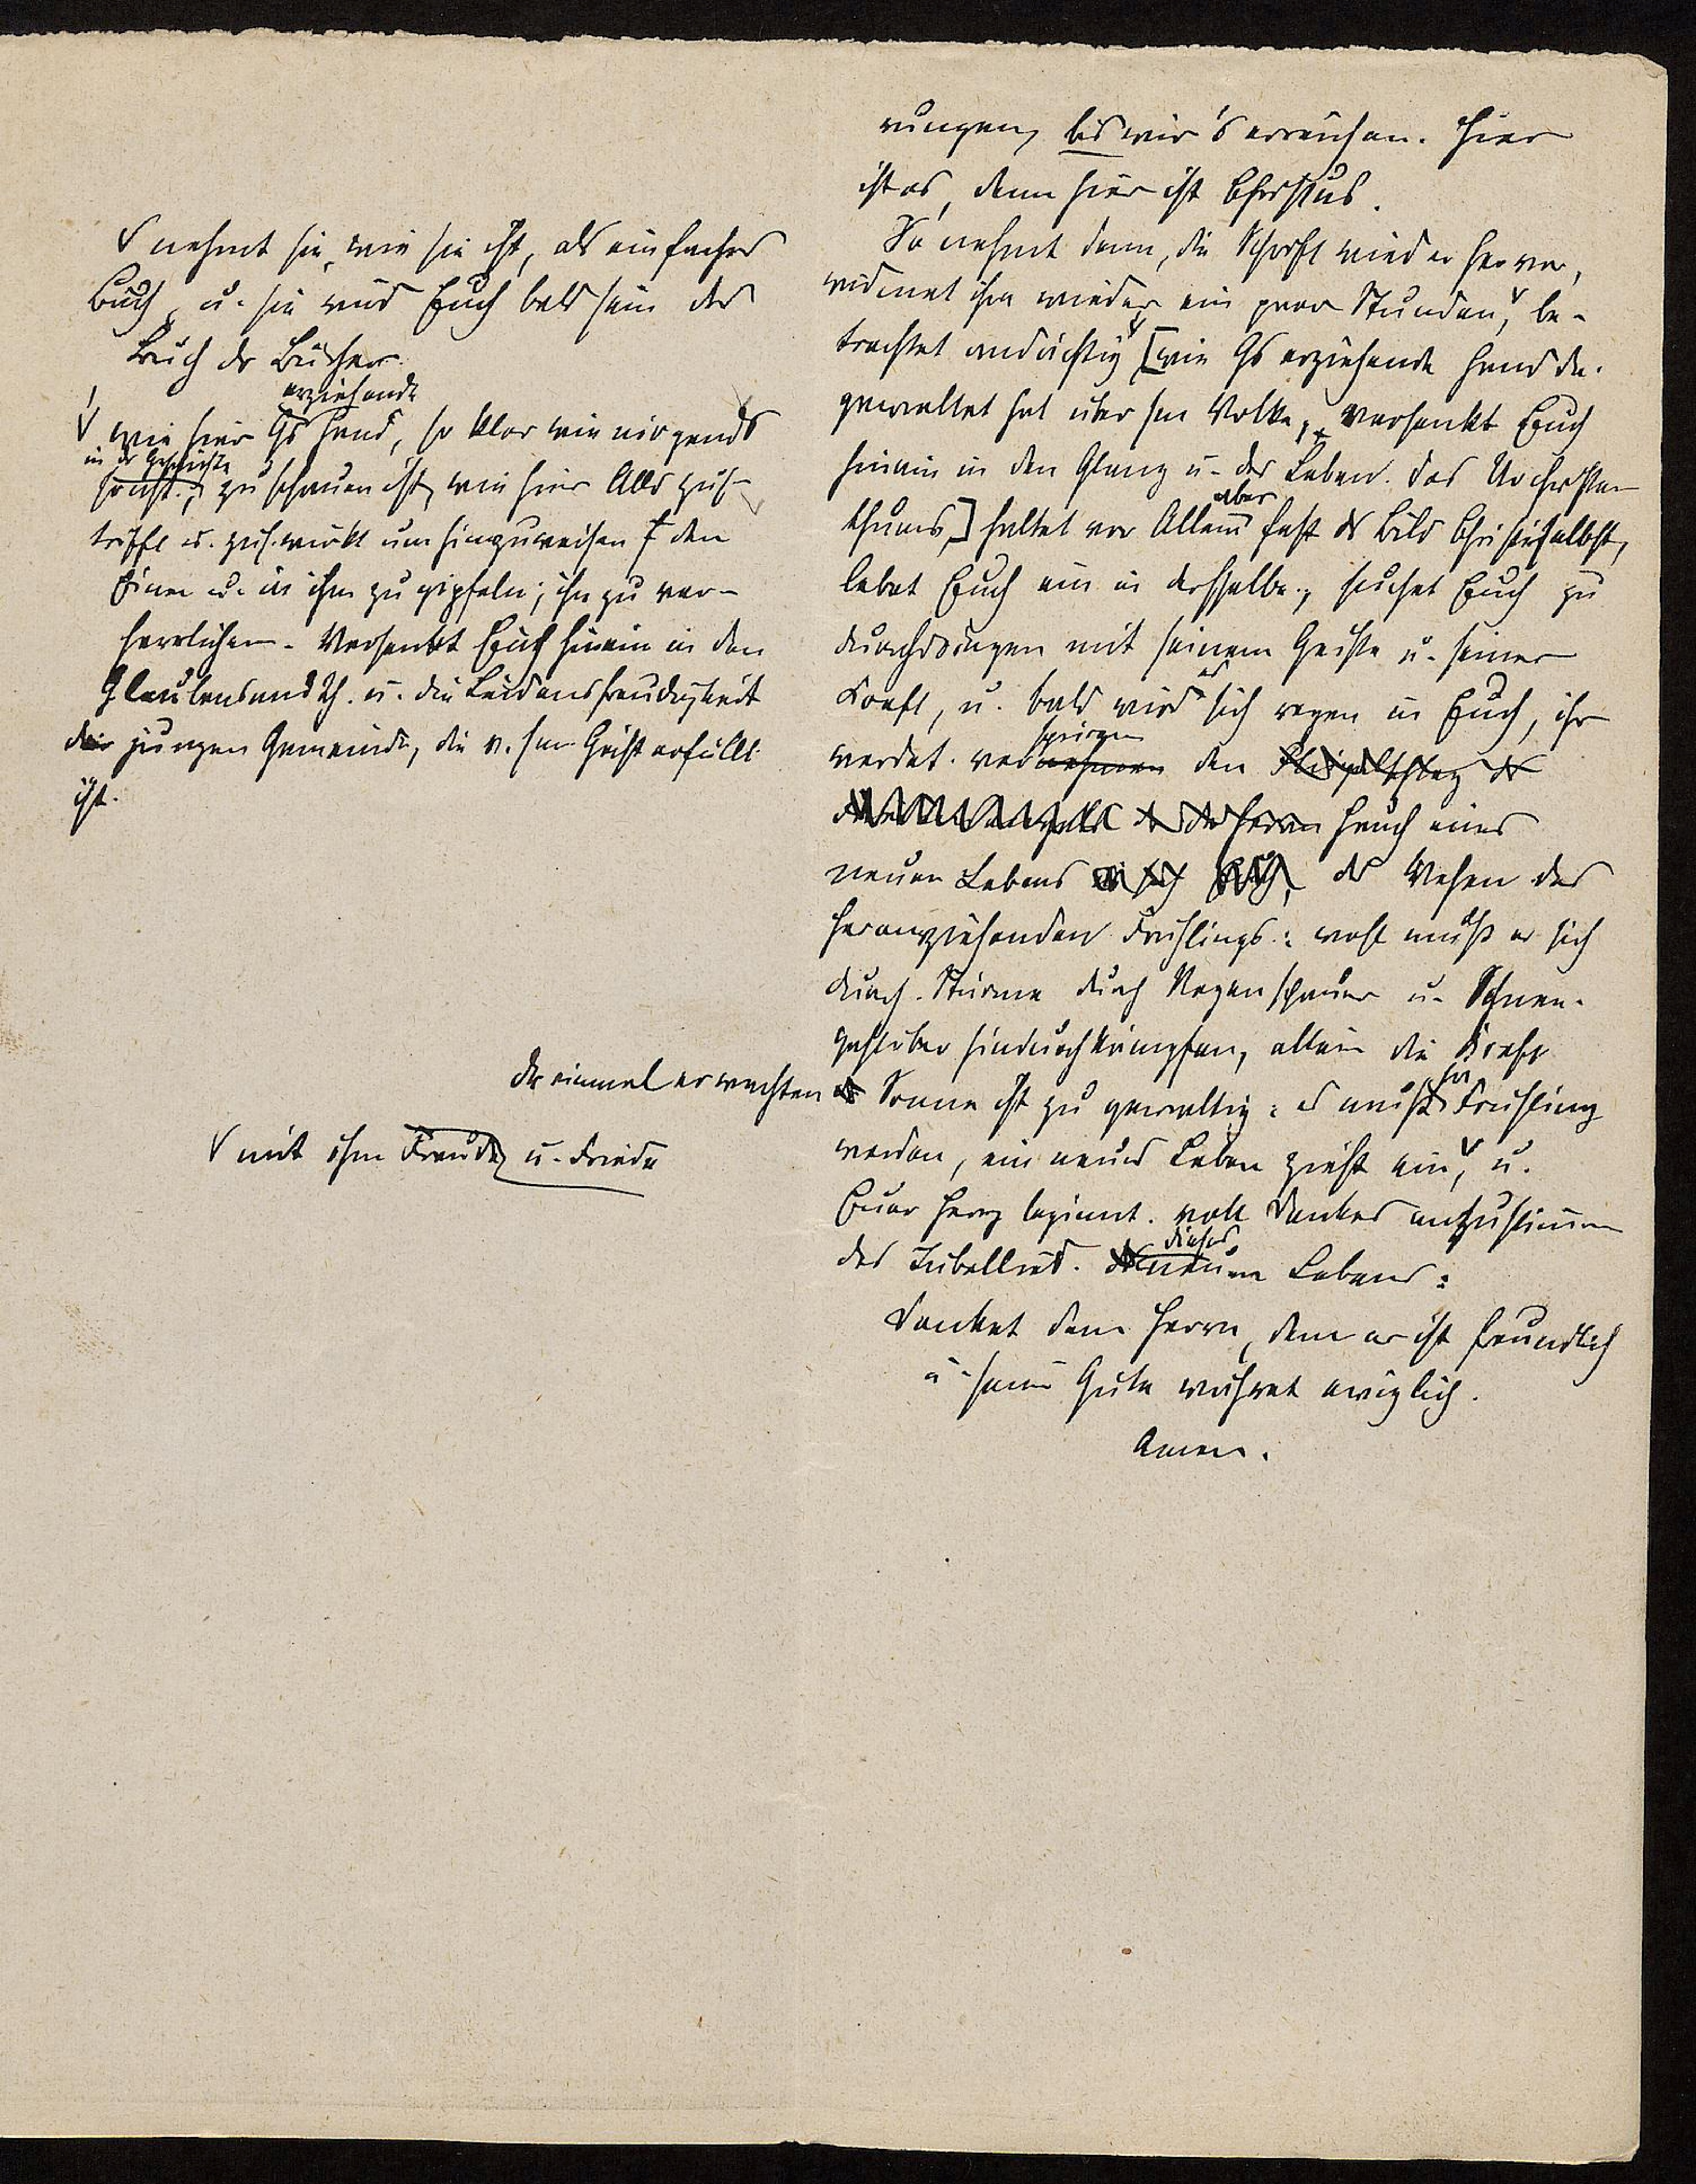V nehmt sie, wie sie ist, als einfaches
Buch, u. sie wird Euch bald sein das
Buch dr Bücher
erziehnde
V wie hier Gs Hand, so klar wie nirgends
in der Geschichte
sonst zu schauen ist, wie hier Alles zus¬
trifft u. zuswirkt um hinzuweisen f den
Einen u. in ihm zu gipfeln, ihn zu ver¬
herlichen. Versenkt Euch hinein in den
Glaubensmuth. u. die Leidensfreudigkeit
der jungen Gemeinde, die v. sm Geist erfüllt
ist.
dr einmal erwachten
V mit ihm Freude u. Friede
rungen, bis wir's erreichen. Hier
ist es, denn hier ist Christus.
So nehmt denn die Schrift wieder hervor
widmet ihr wieder ein paar Stunden, be¬
trachtet andächtig, [wie Gs erziehende Hand da
gewaltet hat über sm Volke, versenkt Euch
hinein in den Glanz u. des Leben. des Urchristen¬
thums,] haltet vor Allem fest ds Bild Christi selbst,,
lebet Euch ein in dersselbe,. suchet Euch zu
durchdringen mit seinem Geiste u. seiner
Kraft, u. bald wird sich regen in Euch, ihr
springen
werdet vernehmen, den Plinpelschlag ds
dere eesealt ür der ferne Hauch eines
neuen Lebens es sich Euch, ds Wesen des
heranziehenden Frühlings: wohl muß er sich
durch. Stürme, durch Regenschauer u. Schnee¬
gestöber hindurchkämpfen, allein, die Kraft
dr Sonne ist zu gewallig: es muß ja Frühling
werden, ein neues Leben zieht ein, u.
Euer Herz beginnt. voll Dankes anzustimen
dieses
das Jubellied, des neuen Lebens:
Danket dem Herrn, denn er ist freundlich
u. seine Güte währet ewiglich.
Amen